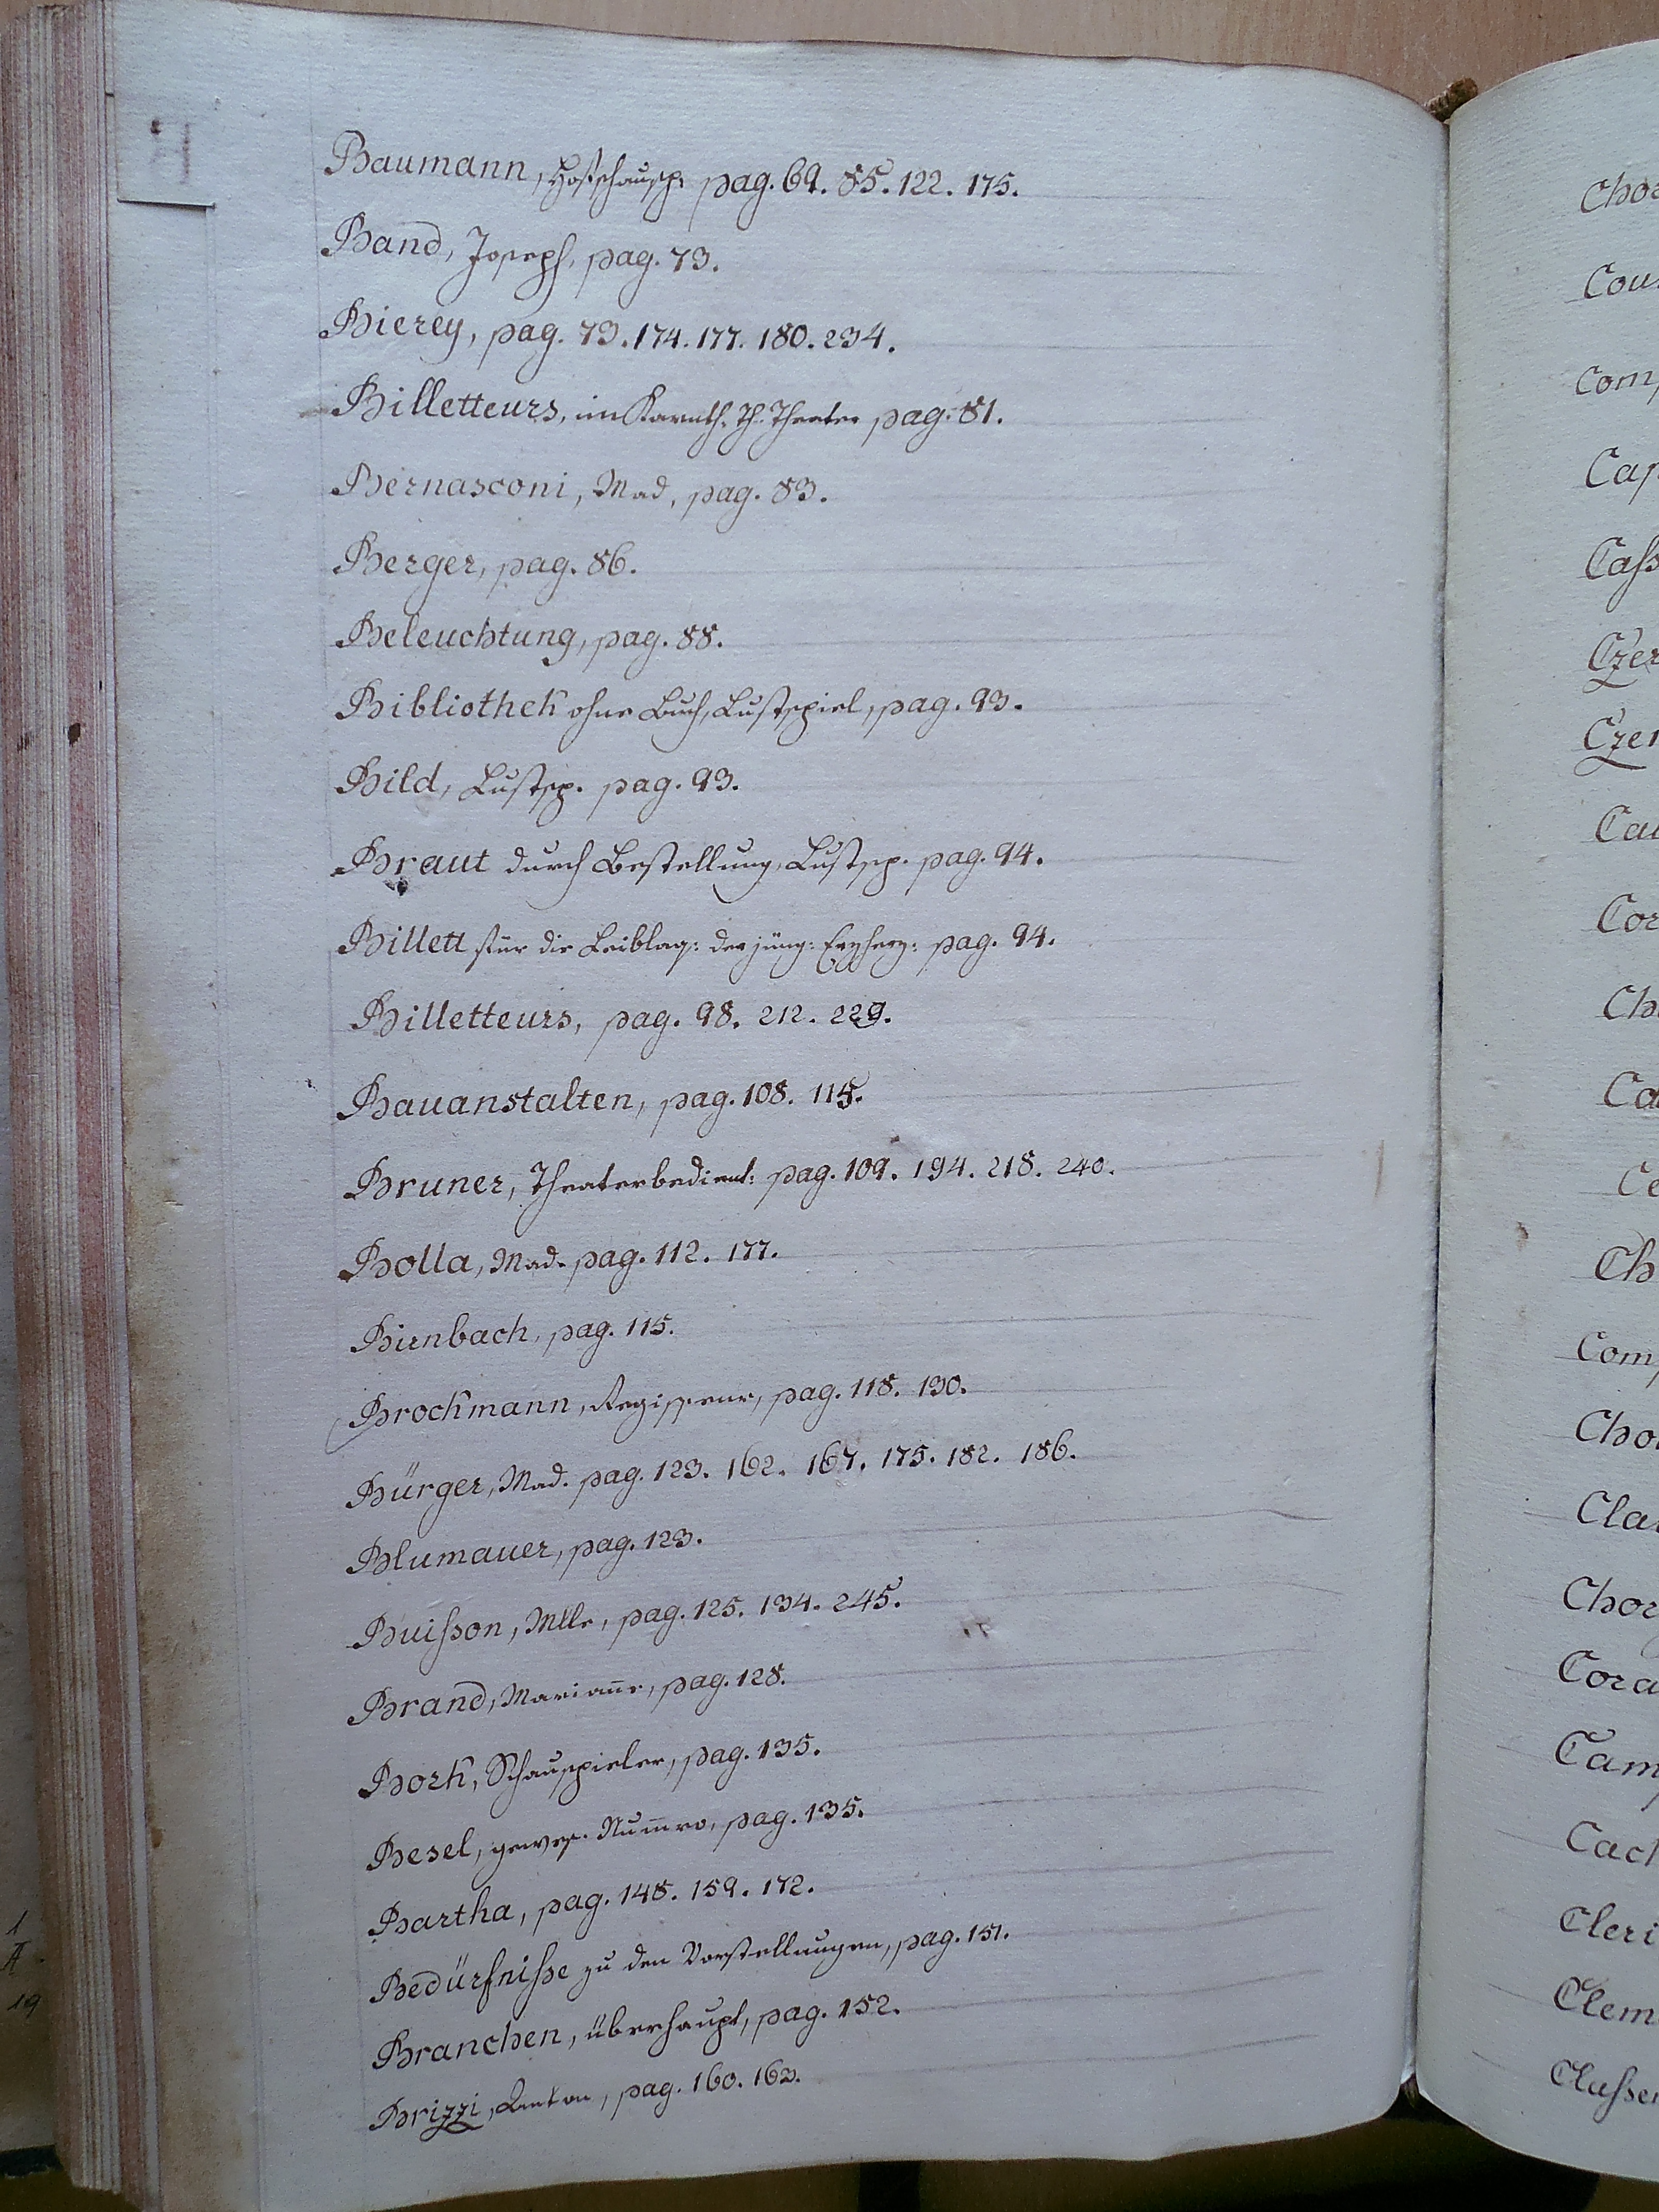Baumann, Hofschausp. pag. 69. 85. 122. 175
Band, Joseph, pag 73.
Bierey, pag. 73. 1
Billetteurs, im Karnth. Th. Theater pag. 81.
Bernasconi, Mad. pag. 83.
Berger, pag 86.
Beleuchtung, pag. 88.
Bibliothek ohne Buch, Lustspiel, pag. 93.
Bild, Lustsp. pag. 93.
Braut durch Bestellung, Lustsp. pag 94.
Billet für die Leiblaq: der jüng: Erzherz: pag. 94.
Billetteurs, pag. 98. 212. 229.
Bauanstalten, pag 108. 115.
Bruner, Theaterbedient: pag. 109. 194. 218. 240.
Bolla, Mad. pag. 112. 177.
Birnbach, pag. 115.
Brockmann, Regisseur, pag. 118. 130.
Bürger, Mad. pag. 123. 162. 167. 175. 182. 186.
Blumauer, pag 123.
Buisson, Mlle, pag 125. 134. 245.
Brand, Marian̅e, pag. 128.
Bork, Schauspieler, pag. 135.
Besel, gewes. Num̅ro, pag. 135.
Bartha, pag. 145. 159. 172.
Bedürfnisse zu den Vorstellungen, pag 151.
Branchen, überhaupt, pag. 152.
Brizzi, Anton, pag. 160. 163.